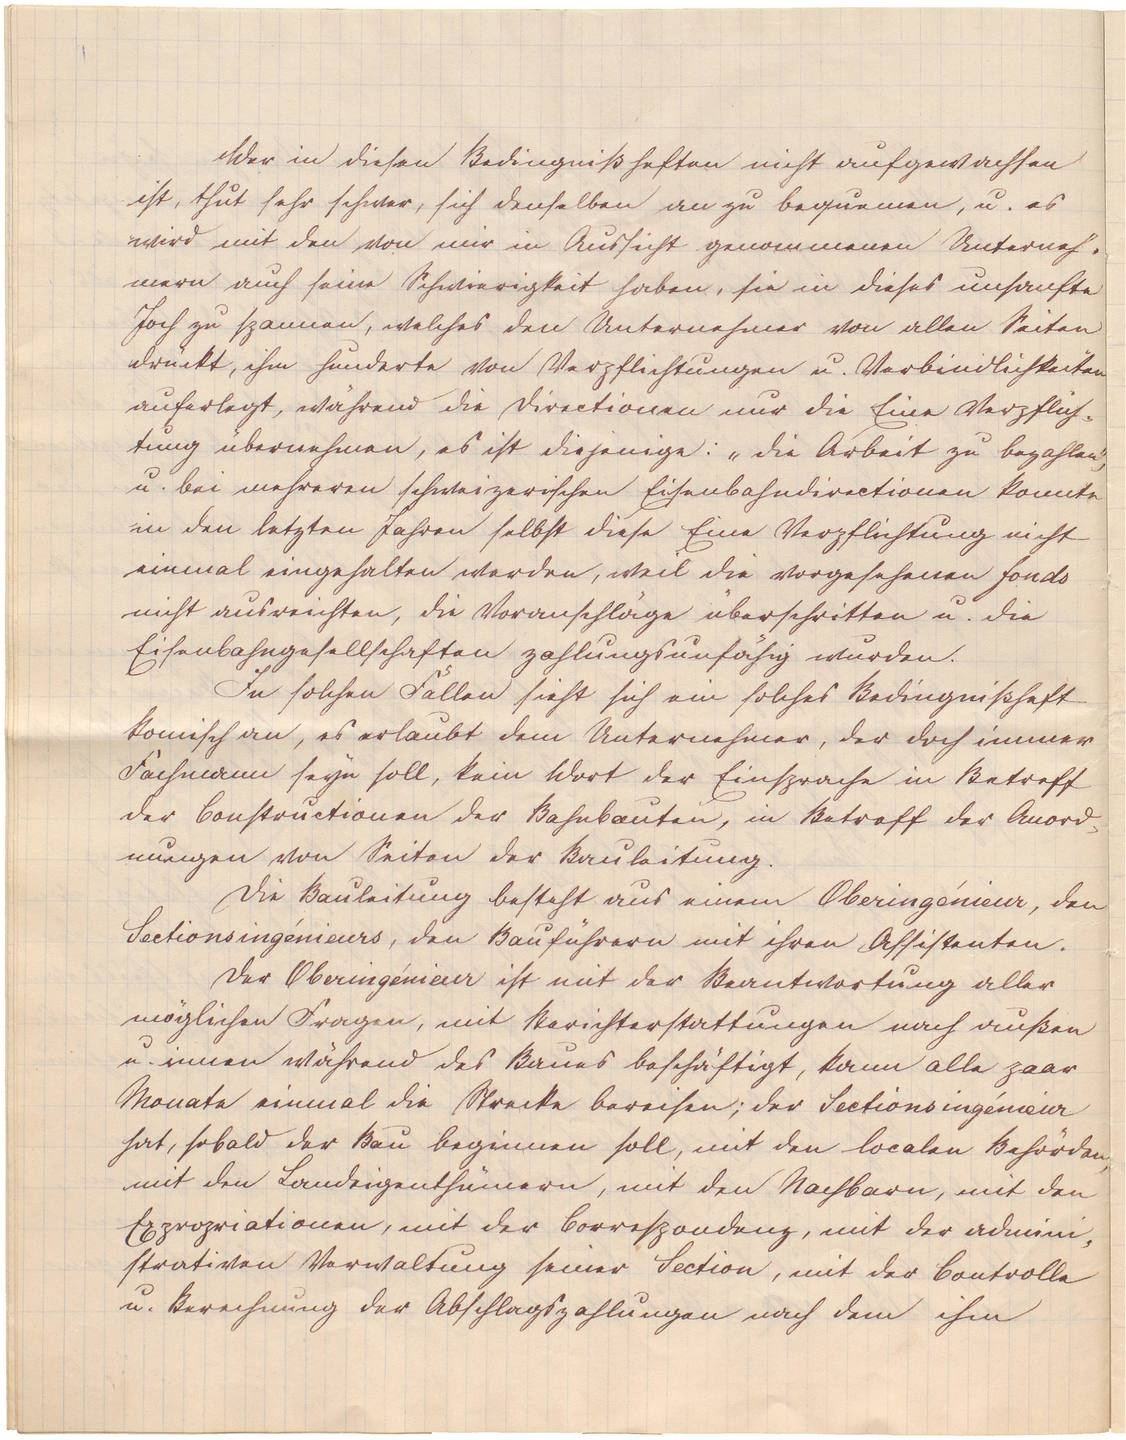Wer in diesen Bedingnißheften nicht aufgewachsen
ist, thut sehr schwer, sich denselben an zu bequemen, u. es
wird mit den von mir in Aussicht genommenen Unterneh-
mern auch seine Schwierigkeit haben, sie in dieses unsanfte
Joch zu spannen, welches den Unternehmer von allen Seiten
drückt, ihm hunderte von Verpflichtungen u. Verbindlichkeiten
auferlegt, während die Directionen nur die Eine Verpflich-
tung übernehmen, es ist diejenige: «die Arbeit zu bezahlen»
u. bei mehreren schweizerischen Eisenbahndirectionen konnte
in den letzten Jahren selbst diese Eine Verpflichtung nicht
einmal eingehalten werden, weil die vorgesehenen Fonds
nicht ausreichten, die Voranschläge überschritten u. die
Eisenbahngesellschaften zahlungsunfähig wurden.
In solchen Fällen sieht sich ein solches Bedingnißheft
komisch an, es erlaubt dem Unternehmer, der doch immer
Fachmann seyn soll, kein Wort der Einsprache in Betreff
der Constructionen der Bahnbauten, in Betreff der Anord-
nungen von Seiten der Bauleitung.
Die Bauleitung besteht aus einem Oberingénieur, den
Sectionsingénieurs, den Bauführern mit ihren Assistenten.
Der Oberingénieur ist mit der Beantwortung aller
möglichen Fragen, mit Berichterstattungen nach außen
u. innen während des Baues beschäftigt, kann alle paar
Monate einmal die Strecke bereisen; der Sectionsingénieur
hat, sobald der Bau beginnen soll, mit den localen Behörden,
mit den Landeigenthümern, mit den Nachbarn, mit den
Expropriationen, mit der Correspondenz, mit der admini-
strativen Verwaltung seiner Section, mit der Controlle
u. Berechnung der Abschlagszahlungen nach dem ihm